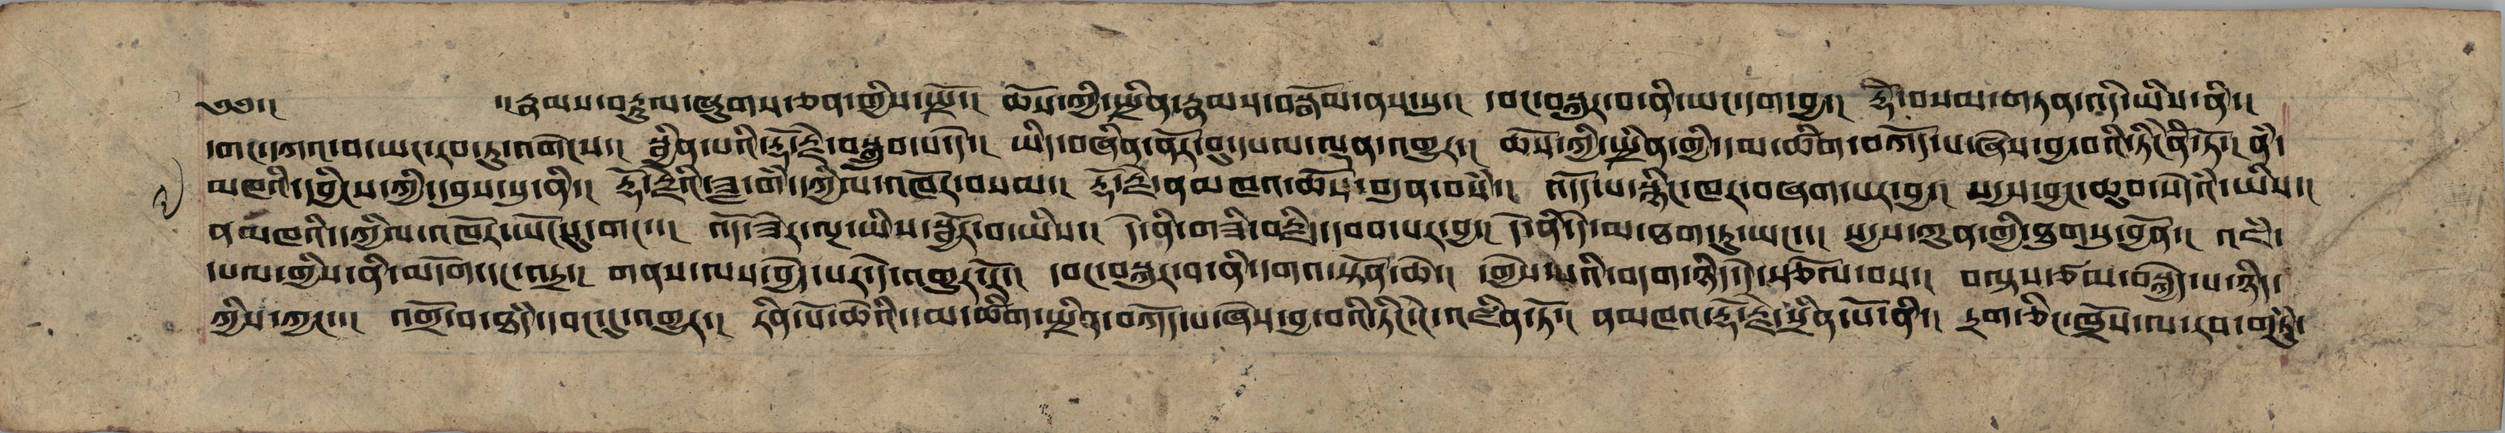༄༅་། ་།རྣམས་བརྟུལ་ཞུགས་ཅན་གྱིས་སྤྲོ་། ཆོས་གྱི་སྤྲིན་རྣམས་བསྒོམ་ནས་སུ་། དབང་བསྐུར་བ་ནི་ཡང་དག་བྱ་། རྡོེ་བསམ་གཏན་འདི་ཡིས་ནི་།
དགང་དཀའ་བ་ཡང་རབ་ཏུ་འགེངས་། སྦྱིན་པའི་རྡོ་རྗེ་བསྒྲུབ་པ་དེ་། ཡིད་བཞིན་ནོར་བུ་དཔལ་ལྡན་འགྱུར་། ཆོས་ཀྱི་སྤྲིན་གྱི་དམ་ཚིག་བཀོད་པ་ཞེས་བྱ་བའི་ཏིངེཛིན་ཏོ་། ནི་
མཁའི་དབྱིངས་ཀྱི་དབུས་སུ་ནི་། རྡོ་རྗེའི་ཟླ་གཾ་དཀྱིལ་འཁོར་བསམ་། རྡོ་རྗེ་ནམཁའ་ཆོས་བདུན་བསཾ་། འདོད་པ་སྙིང་ཁར་བཞག་པར་བྱ་། སདྱས་བྱང་ཆུབ་སེདཾའ་ཡིས་།
ནམཁའི་དཀྱིལ་འཁོར་ཡོངསུ་གང་་། འོད་ཟེར་ལྔ་ཡིས་སྦྱོར་བ་ཡིས་། དེ་ནི་གཟི་བརྗིད་དབབ་པར་བྱ་། དེ་ནི་དེ་མ་ཐག་ཏུ་ཡང་་། སདྱས་ཀུན་གྱི་ཐུགསུ་བྱོན་། འཇཾ་
དཔལ་གྱིས་ནི་མདོག་དང་འདྲ་། གནས་ལས་བྱེད་པར་དེ་འགྱུར་རོ་། དབང་བསྐུར་བ་ནི་དགའ་སྟོན་ཆེ་། དགྱེས་པའི་བདག་ཉིད་དེ་སྩོལ་བས་། བལྟས་ཙམ་བསྐྱེད་པ་ཉིད་
ཀྱིས་ཀྱང་་། འགྲོ་བ་ཐཾད་དབང་དུ་འགྱུར་། རིན་པོ་ཆེའི་དམ་ཚིག་སྤྲིན་བཀོད་པ་ཞེས་བྱ་བའི་ཏིང་ངེ་འཛིན་ཏོ་། ནམཁའ་རྡོ་རྗེ་སྲིན་པོ་ནི་། དྲག་ཅིང་ཁྲོས་ལ་རབ་གཏུཾ་